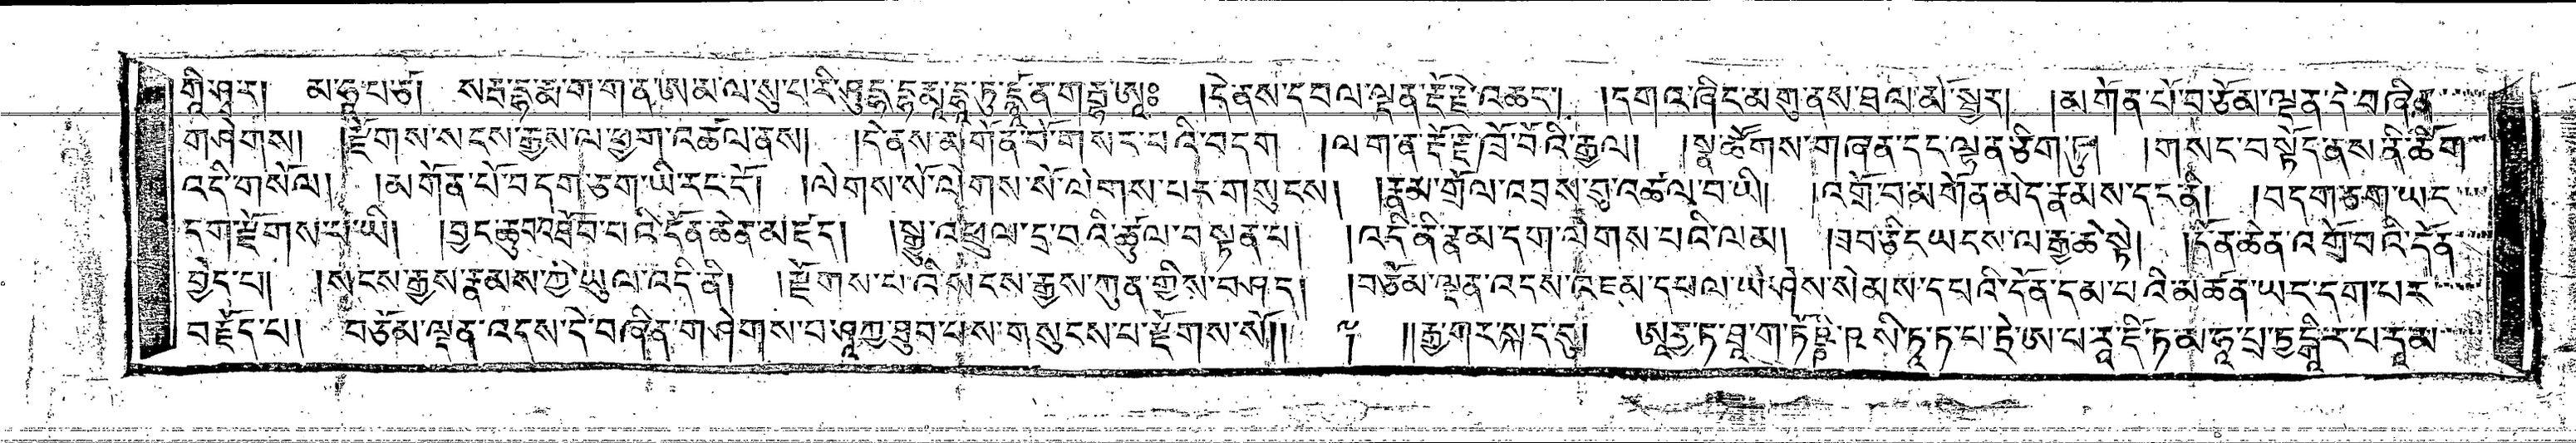གཱི་ཤྭ་ར། མ་ཧཱ་པ་ཙ། སརྦ་དྷ་རྨ་ག་ག་ན་ཨ་མ་ལ་སུ་པ་རི་ཤུདྷ་དྷ་རྨཱ་རྷཱ་ཏུ་ཛྙཱ་ན་གརྦྷ་ཨཱཿ །དེ་ནས་དཔལ་ལྡན་རྡོ་རྗེ་འཆང་། །དགའ་ཞིང་མགུ་ནས་ཐལ་མོ་སྦྱར། །མགོན་པོ་བཅོམ་ལྡན་དེ་བཞིན་
གཤེགས། །རྫོགས་སངས་རྒྱས་ལ་ཕྱག་འཚལ་ནས། །དེ་ནས་མགོན་པོ་གསང་བའི་བདག །ལག་ན་རྡོ་རྗེ་ཁྲོ་བོའི་རྒྱལ། །སྣ་ཚོགས་གཞན་དང་ལྷན་ཅིག་ཏུ། །གསང་བསྟོད་ནས་ནི་ཚིག་
འདི་གསོལ། །མགོན་པོ་བདག་ཅག་ཡི་རང་ངོ། །ལེགས་སོ་ལེགས་སོ་ལེགས་པར་གསུངས། །རྣམ་གྲོལ་འབྲས་བུ་འཚལ་བ་ཡི། །འགྲོ་བ་མགོན་མེད་རྣམས་དང་ནི། །བདག་ཅག་ཡང་
དག་རྫོགས་པ་ཡི། །བྱང་ཆུབ་འཐོབ་པའི་དོན་ཆེན་མཛད། །སྒྱུ་འཕྲུལ་དྲ་བའི་ཚུལ་བསྟན་པ། །འདི་ནི་རྣམ་དག་ལེགས་པའི་ལམ། །ཟབ་ཅིང་ཡངས་ལ་རྒྱ་ཆེ་སྟེ། །དོན་ཆེན་འགྲོ་བའི་དོན་
བྱེད་པ། །སངས་རྒྱས་རྣམས་ཀྱི་ཡུལ་འདི་ནི། །རྫོགས་པའི་སངས་རྒྱས་ཀུན་གྱིས་བཤད། །བཅོམ་ལྡན་འདས་འཇམ་དཔལ་ཡེ་ཤེས་སེམས་དཔའི་དོན་དམ་པའི་མཚན་ཡང་དག་པར་
བརྗོད་པ། བཅོམ་ལྡན་འདས་དེ་བཞིན་གཤེགས་པ་ཤཱཀྱ་ཐུབ་པས་གསུངས་པ་རྫོགས་སོ།། ༈ །།རྒྱ་གར་སྐད་དུ། ཨཱརྱ་ཏ་ཐཱ་ག་ཏོ་ཥྞི་ཥ་སི་ཏཱ་ཏ་པ་ཏྲེ་ཨ་པ་རཱ་ཛི་ཏ་མ་ཧཱ་པྲ་ཏྱངྒཱི་ར་པ་རཱ་མ་